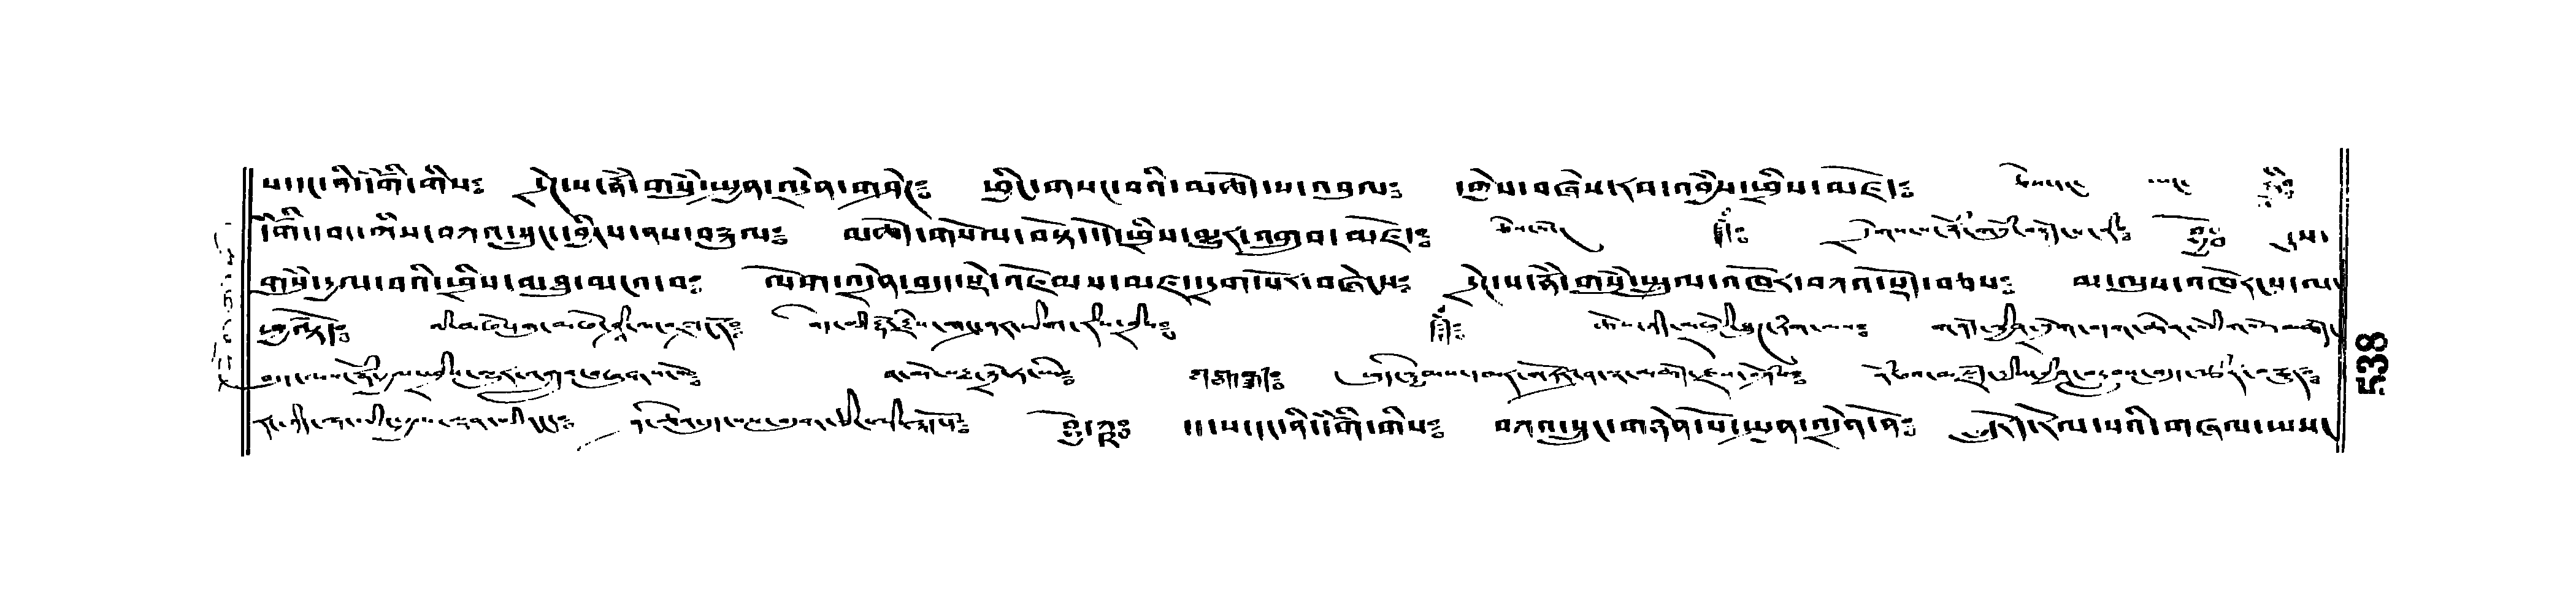པ་དང་ནི་དམ་ཚིག་གིས༔ དྲེགས་པ་རྣམ་གསུམ་སྤྱན་འདྲེན་གཤེགས༔ ཕྱི་ནང་གསང་བའི་མཆོད་པ་འབུལ༔ དགྱེས་བཞེས་རབ་འབྱམས་ཕྲིན་ལས་མཛོད༔ ཅེས་དང༔ ཡང༔ ཧྲཱིཿ 
དམ་ཚིག་དབང་གིས་བཀའ་སྲུང་དབྱིངས་ནས་བསྐུལ༔ མཆོད་གསོལ་བསྟོད་དོ་ཕྲིན་ལས་མྱུར་འགྲུབ་མཛོད༔ ཅེས་སོ༔ དྲེགས་པ་རྣམ་གསུམ་བསྟོད་པ་ནི༔ བྷྱོ༔ དུས་
གསུམ་རྒྱལ་བའི་ཕྲིན་ལས་མཐུ་མངའ་བ༔ ལོག་འདྲེན་བདུད་སྡེ་འཇོམས་མཛད་དྲག་པོར་བཞེངས༔ དྲེགས་པ་རྣམ་གསུམ་སྤྲུལ་འཁོར་བཀའ་སྡོད་བཅས༔ མ་ལུས་འཁོར་དང་བཅས་ལ་
ཕྱག་འཚལ་ལོ༔ མི་མཁོ་དགུ་མཁོ་ཤཱི་ལ་བཛྲ་ངོར༔ བདེ་བའི་རྡོ་རྗེས་གང་ཤར་ཡིག་རིས་བྲིས༔ ཆོས་ཉིད་མཁའ་འགྲོའི་ཐུགས་ཏིག་ལས༔ གནོད་སྦྱིན་སྲོག་བདག་ཆེན་པོའི་གསོལ་མཆོད་
བདུད་ལས་རྣམ་རྒྱལ་ཕྲིན་ལས་མྱུར་འགྲུབ་བཞུགས་སོ༔ ན་མོ་པདྨ་ཀྲོ་ཏ་ཡེ༔ ཕུད་སྐྱེམས་དམར་གཏོར་ཤ་སྣ་མཆོད་རྫས་བཤམས༔ ནམ་མཁའ་མཛོད་ཀྱིས་བྱིན་བརླབས་བདུད་རྩིར་བསྒྱུར༔ 
རང་ཉིད་ལྷ་ཡི་ང་རྒྱལ་ལྡན་པའི་ངང༔ ཤ་ཆེན་དུད་པས་བདུག་ཅིང་འདི་སྐད་དོ༔ བྷྱོ་ཀྵ༔ དད་པ་དང་ནི་དམ་ཚིག་གིས༔ བཀའ་སྲུང་གཉེན་པོ་སྤྱན་འདྲེན་ནོ༔དུར་ཁྲོད་རོལ་པའི་གཞལ་ཡས་